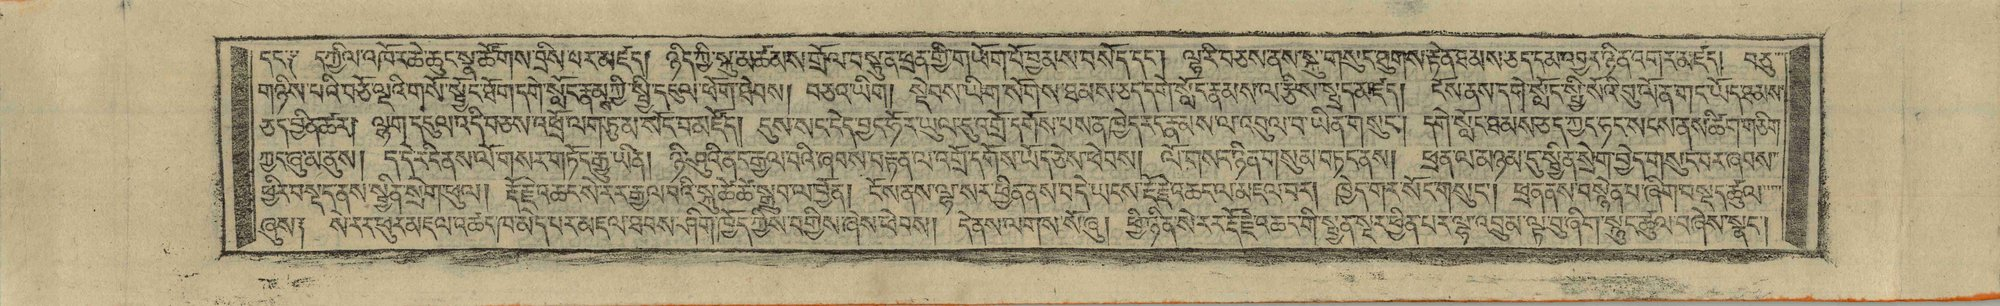དང་། དཀྱིལ་འཁོར་ཆེ་ཆུང་སྣ་ཚོགས་བྲིས་པར་མཛད། ཉིད་ཀྱི་སྐུ་མཚམས་གྲོལ་བསྟུན་ཕྲན་གྱི་གཡོག་པོ་བྱམས་བསོད་དང་། ལྷ་རི་བཅས་ནས་སྐུ་གསུང་ཐུགས་རྟེན་ཐམས་ཅད་དམ་འབྱར་ཉིན་འགར་མཛད། བཅུ་
གཉིས་པའི་བཅོ་ལྔའི་གསོ་སྦྱོང་ཐོག་དགེ་སློང་རྣམས་ཀྱི་སྤྱི་དངུལ་ཕོག་ཐེབས། བཅའ་ཡིག །སྡེབས་ཡིག་སོགས་ཐམས་ཅད་དགེ་སློང་རྣམས་ལ་རྩིས་སྤྲད་མཛད། ངོས་ནས་དགེ་སློང་སྤྱི་སོའི་བུ་ལོན་གང་ཡོད་ཐམས་
ཅད་བྱིན་ཚར། ལྷག་དངུལ་འདི་བཅས་འཕྲོ་ལག་ཏུ་མ་སོང་བ་མཛོད། དུས་སང་ངེད་བྱང་ཧོར་ཡུལ་དུ་འགྲོ་དངོས་???་པས་ན་ཁྱེད་རང་རྣམས་ལ་འབུལ་བ་ཡིན་གསུང་། དགེ་སློང་ཐམས་ཅད་ཀྱང་ཧང་སངས་ནས་ཚིག་གཅིག་
ཀྱང་ཞུ་མ་ནུས། ད་དེ་རིང་ནས་ལོ་གསར་གཏོང་རྒྱུ་ཡིན། ཉི་ཤུའི་ནང་རྒྱལ་བའི་ཞབས་བརྟན་ལ་འགྲོ་དགོས་ཡོད་ཅེས་?་ཕེབས། ལོ་གསར་ཉིན་གསུམ་བཏང་ནས། ཕྲན་ལ་མཉམ་དུ་སྦྱིན་སྲེག་བྱེད་གསུང་བར་ཞབས་
ཕྱིར་བསྡད་ནས་སྦྱིན་སྲེག་ཕུལ་རྡོ་རྗེ་འཆང་སེར་ར་རྒྱལ་བའི་སྐུ་ཚེ་ཚེ་སྒྲུབ་ལ་བྱོན། ངོས་ནས་ལྷ་སར་ཕྱིན་ནས་བདེ་ཡངས་རྡོ་རྗེ་འཆང་ལ་མཇལ་བར། ཁྱེད་གར་སོང་གསུང་། ཕྲན་ནས་བསྙེན་པ་ཞིག་བསྡད་ཚུལ་
ཞུས། སེ་རར་ཕུར་མཇལ་འཚང་ཁ་མེད་པར་མཇལ་ཐབས་ཤིག་ཁྱོད་ཀྱིས་བགྱིས་ཞེས་ཕེབས། དེ་ནས་ལགས་སོ་ཞུ། ཕྱི་ཉིན་སེ་རར་རྡོ་རྗེ་འཆང་གི་སྤྱན་སྔར་ཕྱིན་པར་ལྷ་འབྲུམ་ལྟ་བུ་ཞིག་སྙུང་ཚུལ་བཞེས་སྣང་།